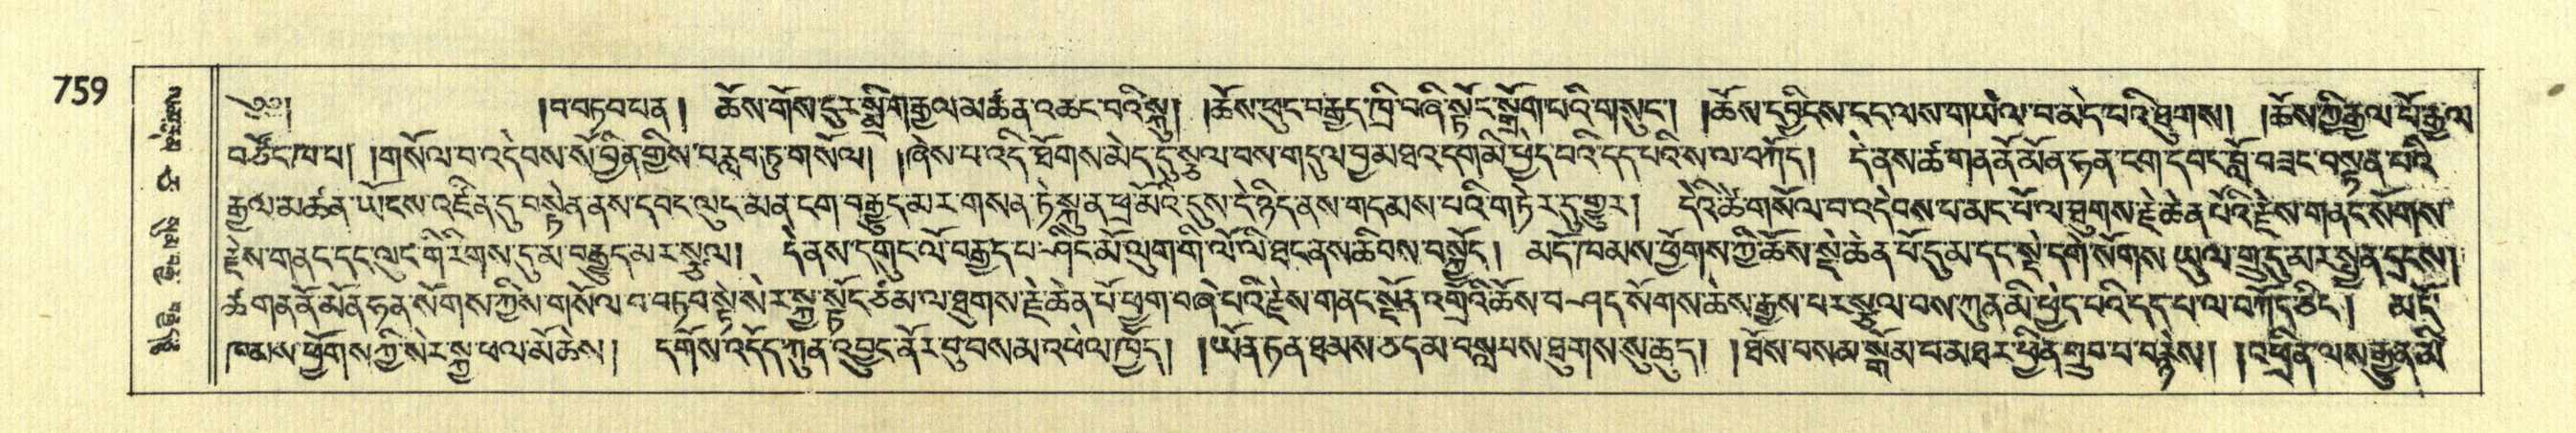༄༅། །བ་བཏབ་པན། ཆོས་གོས་དུར་སྨྲིག་རྒྱལ་མཚན་འཆང་བའི་སྐུ། །ཆོས་ཕུང་བརྒྱད་ཁྲི་བཞི་སྟོང་སྒྲོག་པའི་གསུང་། །ཆོས་དབྱིངས་ངང་ལས་གཡེལ་བ་མེད་པའི་ཐུགས། །ཆོས་ཀྱི་རྒྱལ་པོ་རྒྱལ་
བཙོང་ཁ་པ། །གསོལ་བ་འདེབས་སོ་བྱིན་གྱིས་བརླབ་ཏུ་གསོལ། །ཞེས་པ་འདི་ཐོགས་མེད་དུ་སྩལ་བས་གདུལ་བྱ་མཐའ་དག་མི་ཕྱེད་བའི་དད་པའི་ས་ལ་བཀོད། དེ་ནས་ཚ་གན་ནོ་མོན་ཧན་ངག་དབང་བློ་བཟང་བསྟན་པའི་
རྒྱལ་མཚན་ཡོངས་འཛིན་དུ་བསྟེན་ནས་དབང་ལུང་མན་ངག་བརྒྱུད་མར་གསན་ཏེ་སྐུ་ན་ཕྲ་མོའི་དུས་དེ་ཉིད་ནས་གདམས་པའི་གཏེར་དུ་གྱུར། དེའི་ཚེ་གསོལ་བ་འདེབས་པ་མང་པོ་ལ་ཐུགས་རྗེ་ཆེན་པོའི་རྗེས་གནང་སོགས་
རྗེས་གནང་དང་ལུང་གི་རིགས་དུ་མ་བརྒྱུད་མར་སྩལ། དེ་ནས་དགུང་ལོ་བརྒྱད་པ་ཤིང་མོ་ལུག་གི་ལོ་ལི་ཐང་ནས་ཆིབས་བསྐྱོད། མདོ་ཁམས་ཕྱོགས་ཀྱི་ཆོས་སྡེ་ཆེན་པོ་དུ་མ་དང་སྡེ་དགེ་སོགས་ཡུལ་གྲུ་དུ་མར་སྤྱན་དྲངས།
ཚ་གན་ནོ་མོན་ཧན་སོགས་ཀྱིས་གསོལ་བ་བཏབ་སྟེ་སེར་སྐྱ་སྟོང་ཙམ་ལ་ཐུགས་རྗེ་ཆེན་པོ་ཕྱག་བཞེ་པའི་རྗེས་གནང་སྔོན་འགྲོའི་ཆོས་བཤད་སོགས་ཆེས་རྒྱས་པར་སྩལ་བས་ཀུན་མི་ཕྱེད་པའི་དད་པ་ལ་བཀོད་ཅིང་། མདོ་
ཁམས་ཕྱོགས་ཀྱི་སེར་སྐྱ་ཕལ་མོ་ཆེས། དགོས་འདོད་ཀུན་འབྱུང་ནོར་བུ་བསམ་འཕེལ་ཁྱོད། །ཡོན་ཏན་ཐམས་ཅད་མ་བསླབས་ཐུགས་སུ་ཆུད། །ཐོས་བསམ་སྒོམ་པ་མཐར་ཕྱིན་གྲུབ་བ་བརྙེས། །འཕྲིན་ལས་རྒྱུན་མི་